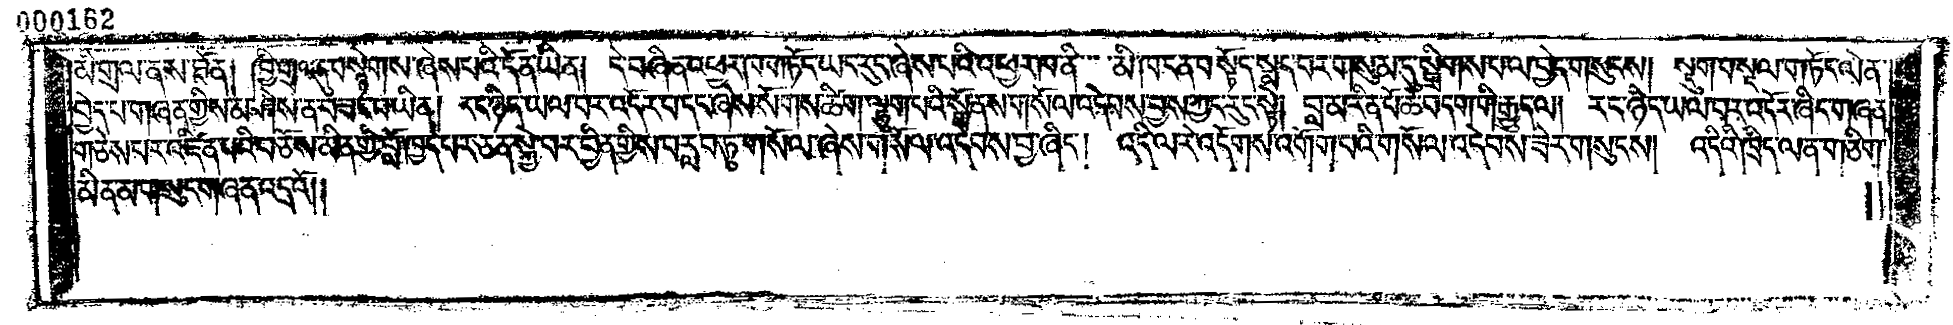མི་གྲལ་ནས་ཐོན། ཁྱི་གྲལ་དུ་བསྙེགས་ཞེས་པའི་དོན་ཡིན། དེ་བཞིན་འཕྱར་ཁ་གཏོང་ཡང་རུང་ཞེས་པའི་འཕྱར་ཁ་ནི་མི་ཁ་ངན་བསྟོད་སྨད་པར་གསུམ་དུ་སྒྲིགས་པ་ལ་བྱེད་གསུངས། སྡུག་བསྔལ་གཏོང་ལེན་
བྱེད་པ་གཞན་གྱིས་མ་ཤེས་ན་བཟང་བ་ཡིན། རང་ཉིད་ཡལ་བར་འདོར་བ་དང་ཞེས་སོགས་ཚིག་ལྷུག་པའི་སྒོ་ནས་གསོལ་འདེབས་བྱས་ཀྱང་རུང་སྟེ། བླ་མ་རིན་པོ་ཆེ་བདག་གི་རྒྱུད་ལ། རང་ཉིད་ཡལ་བར་འདོར་ཞིང་གཞན་
གཅེས་པར་འཛིན་པའི་བཅོས་མིན་གྱི་བློ་ཁྱད་པར་ཅན་སྐྱེ་བར་བྱིན་གྱིས་བརླབ་ཏུ་གསོལ་ཞེས་གསོལ་འདེབས་བྱ་ཞིང་། འདི་ལ་རེ་འདོགས་འགོག་པའི་གསོལ་འདེབས་ཟེར་གསུངས། འདིའི་ཁྲིད་ལན་གཅིག་
མིན་མ་གསུང་གཞན་འདྲའོ།། །།